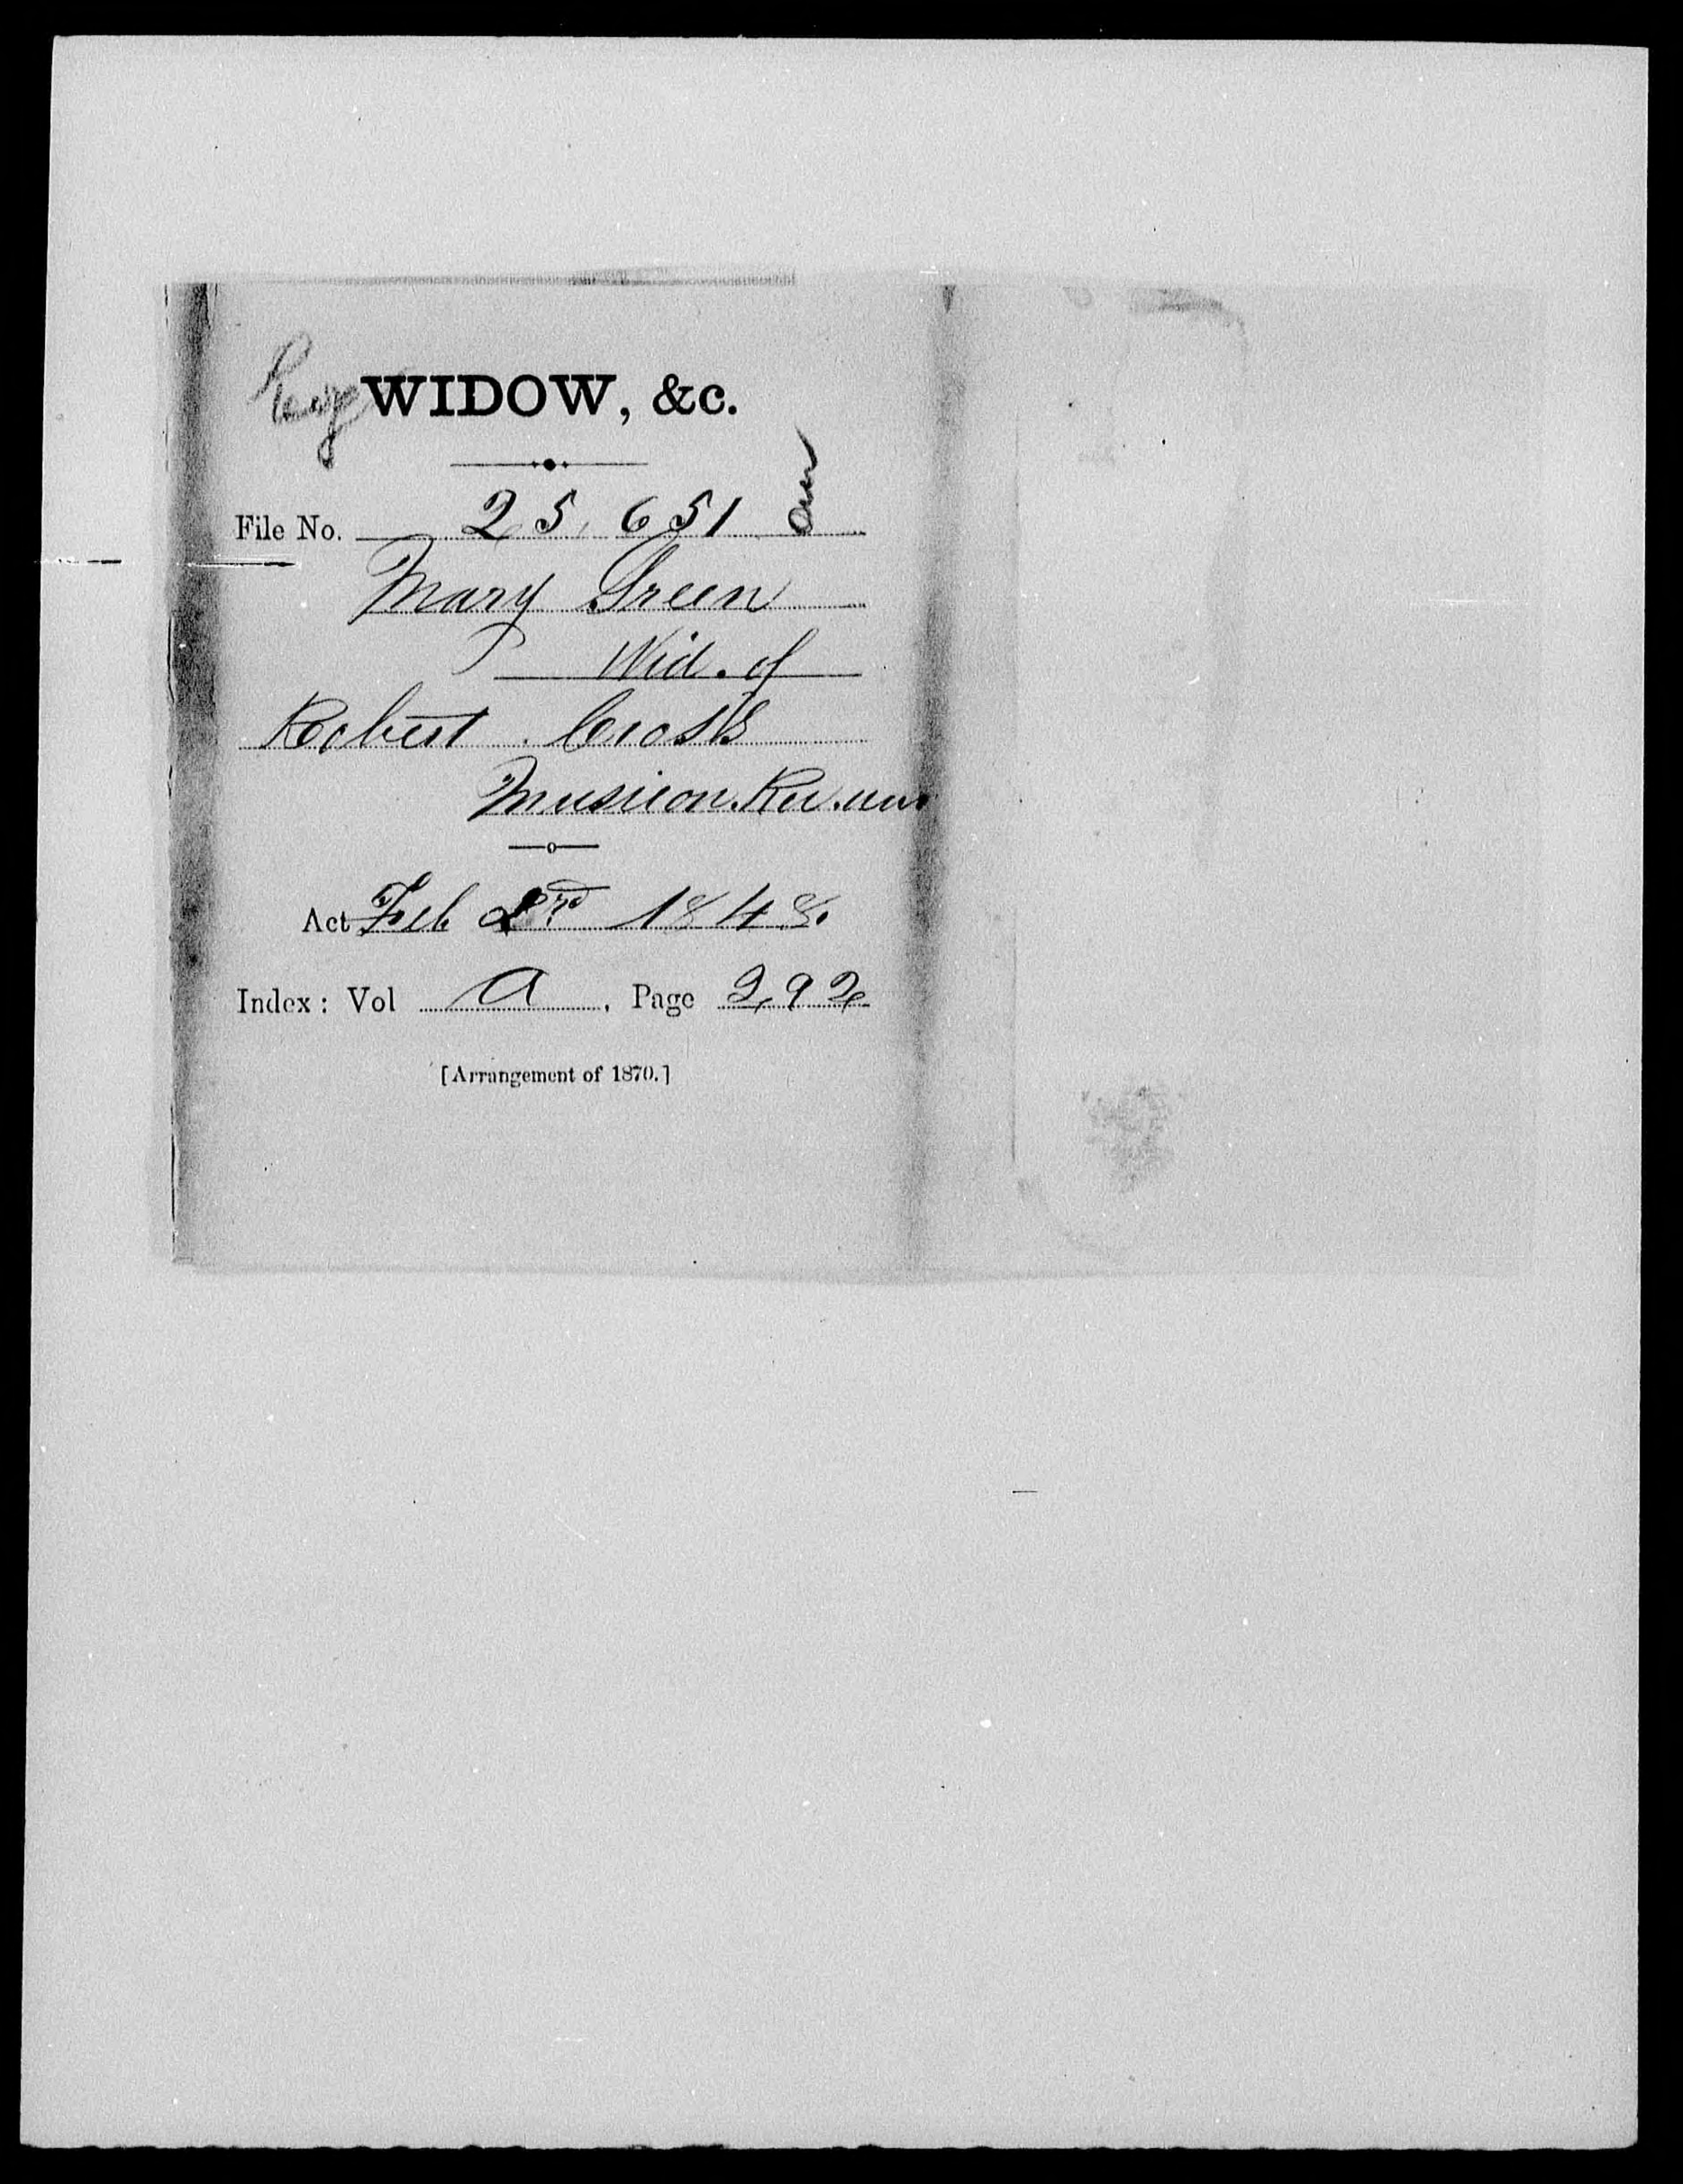[illegible] WIDOW, &c.

File No. 25651
Mary Green
Wid. of
Robert Cross
Musician.Rev.war

Act Feb 2nd 1848.
Index: Vol a, Page 292

[Arrangement of 1870]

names: Robert Cross, Mary Green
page: 7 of 26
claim: widow's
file: W 25651, Robert Cross, Md.